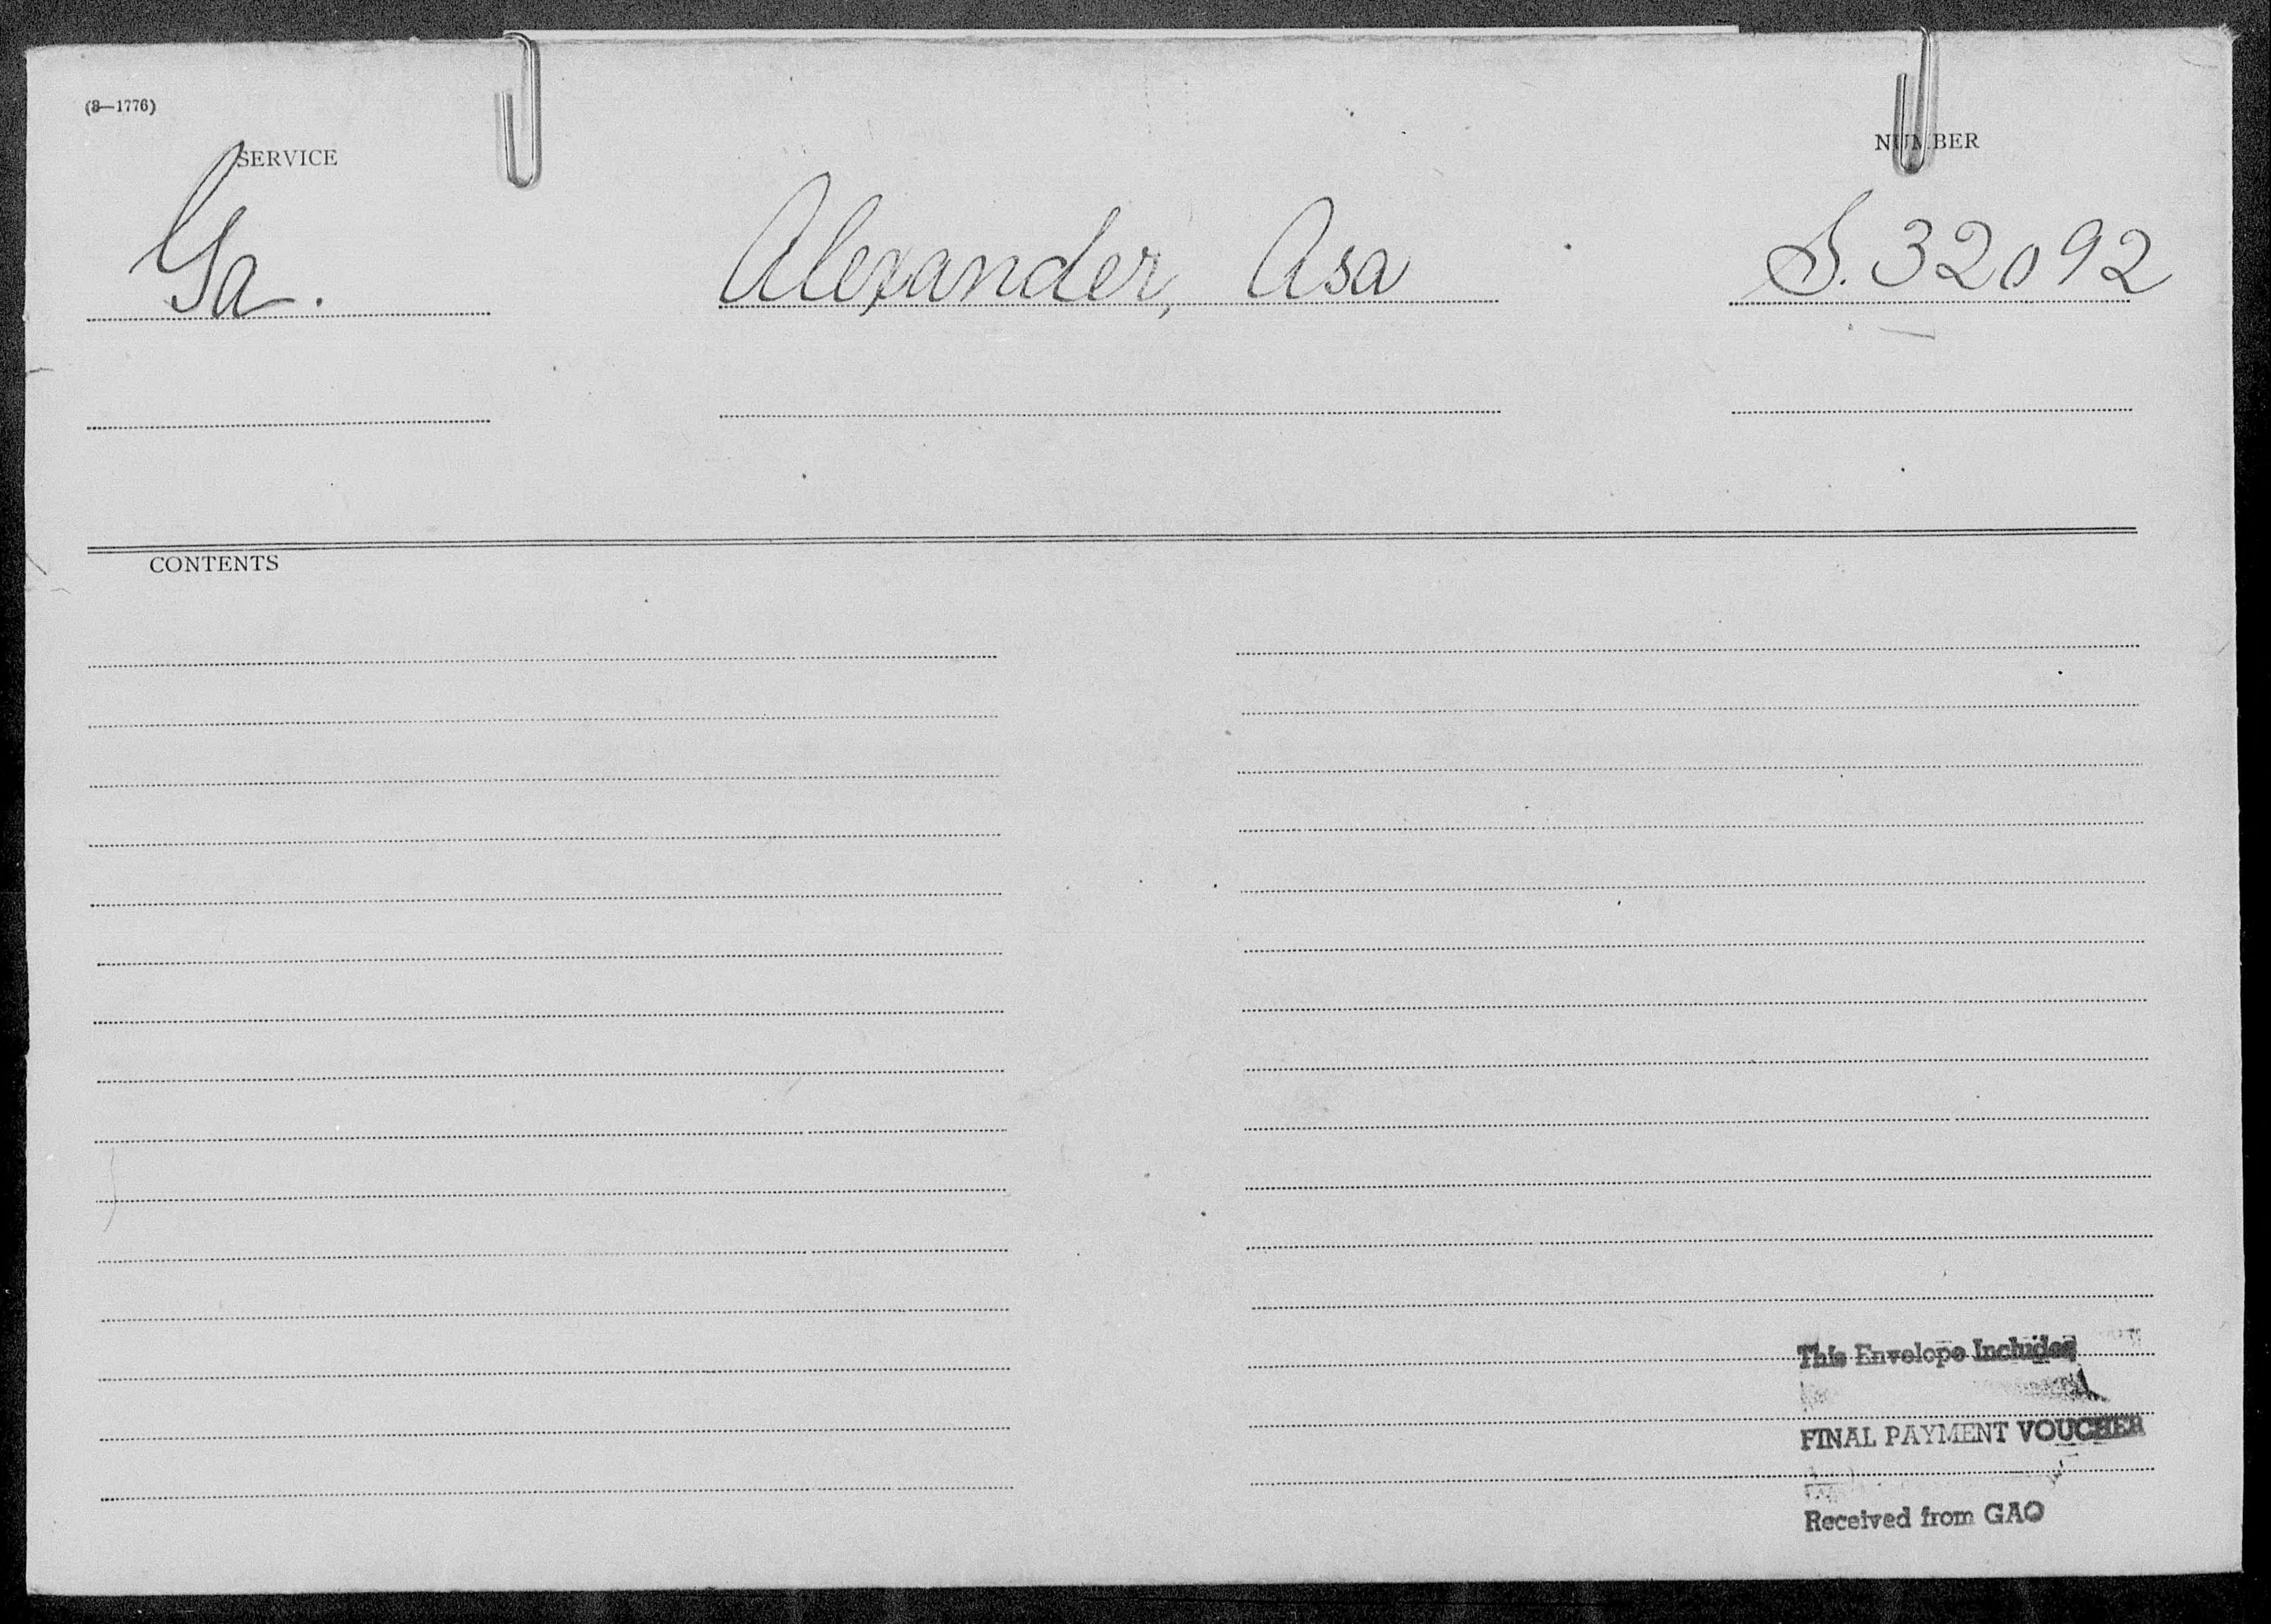Service: GA
Alexander, Asa
Number: S.32092
Stamped: This Envelope Includes
Final Payment Voucher
Received from GAO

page: 1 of 35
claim: survivor's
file: S. 32092, Asa Alexander, Ga.